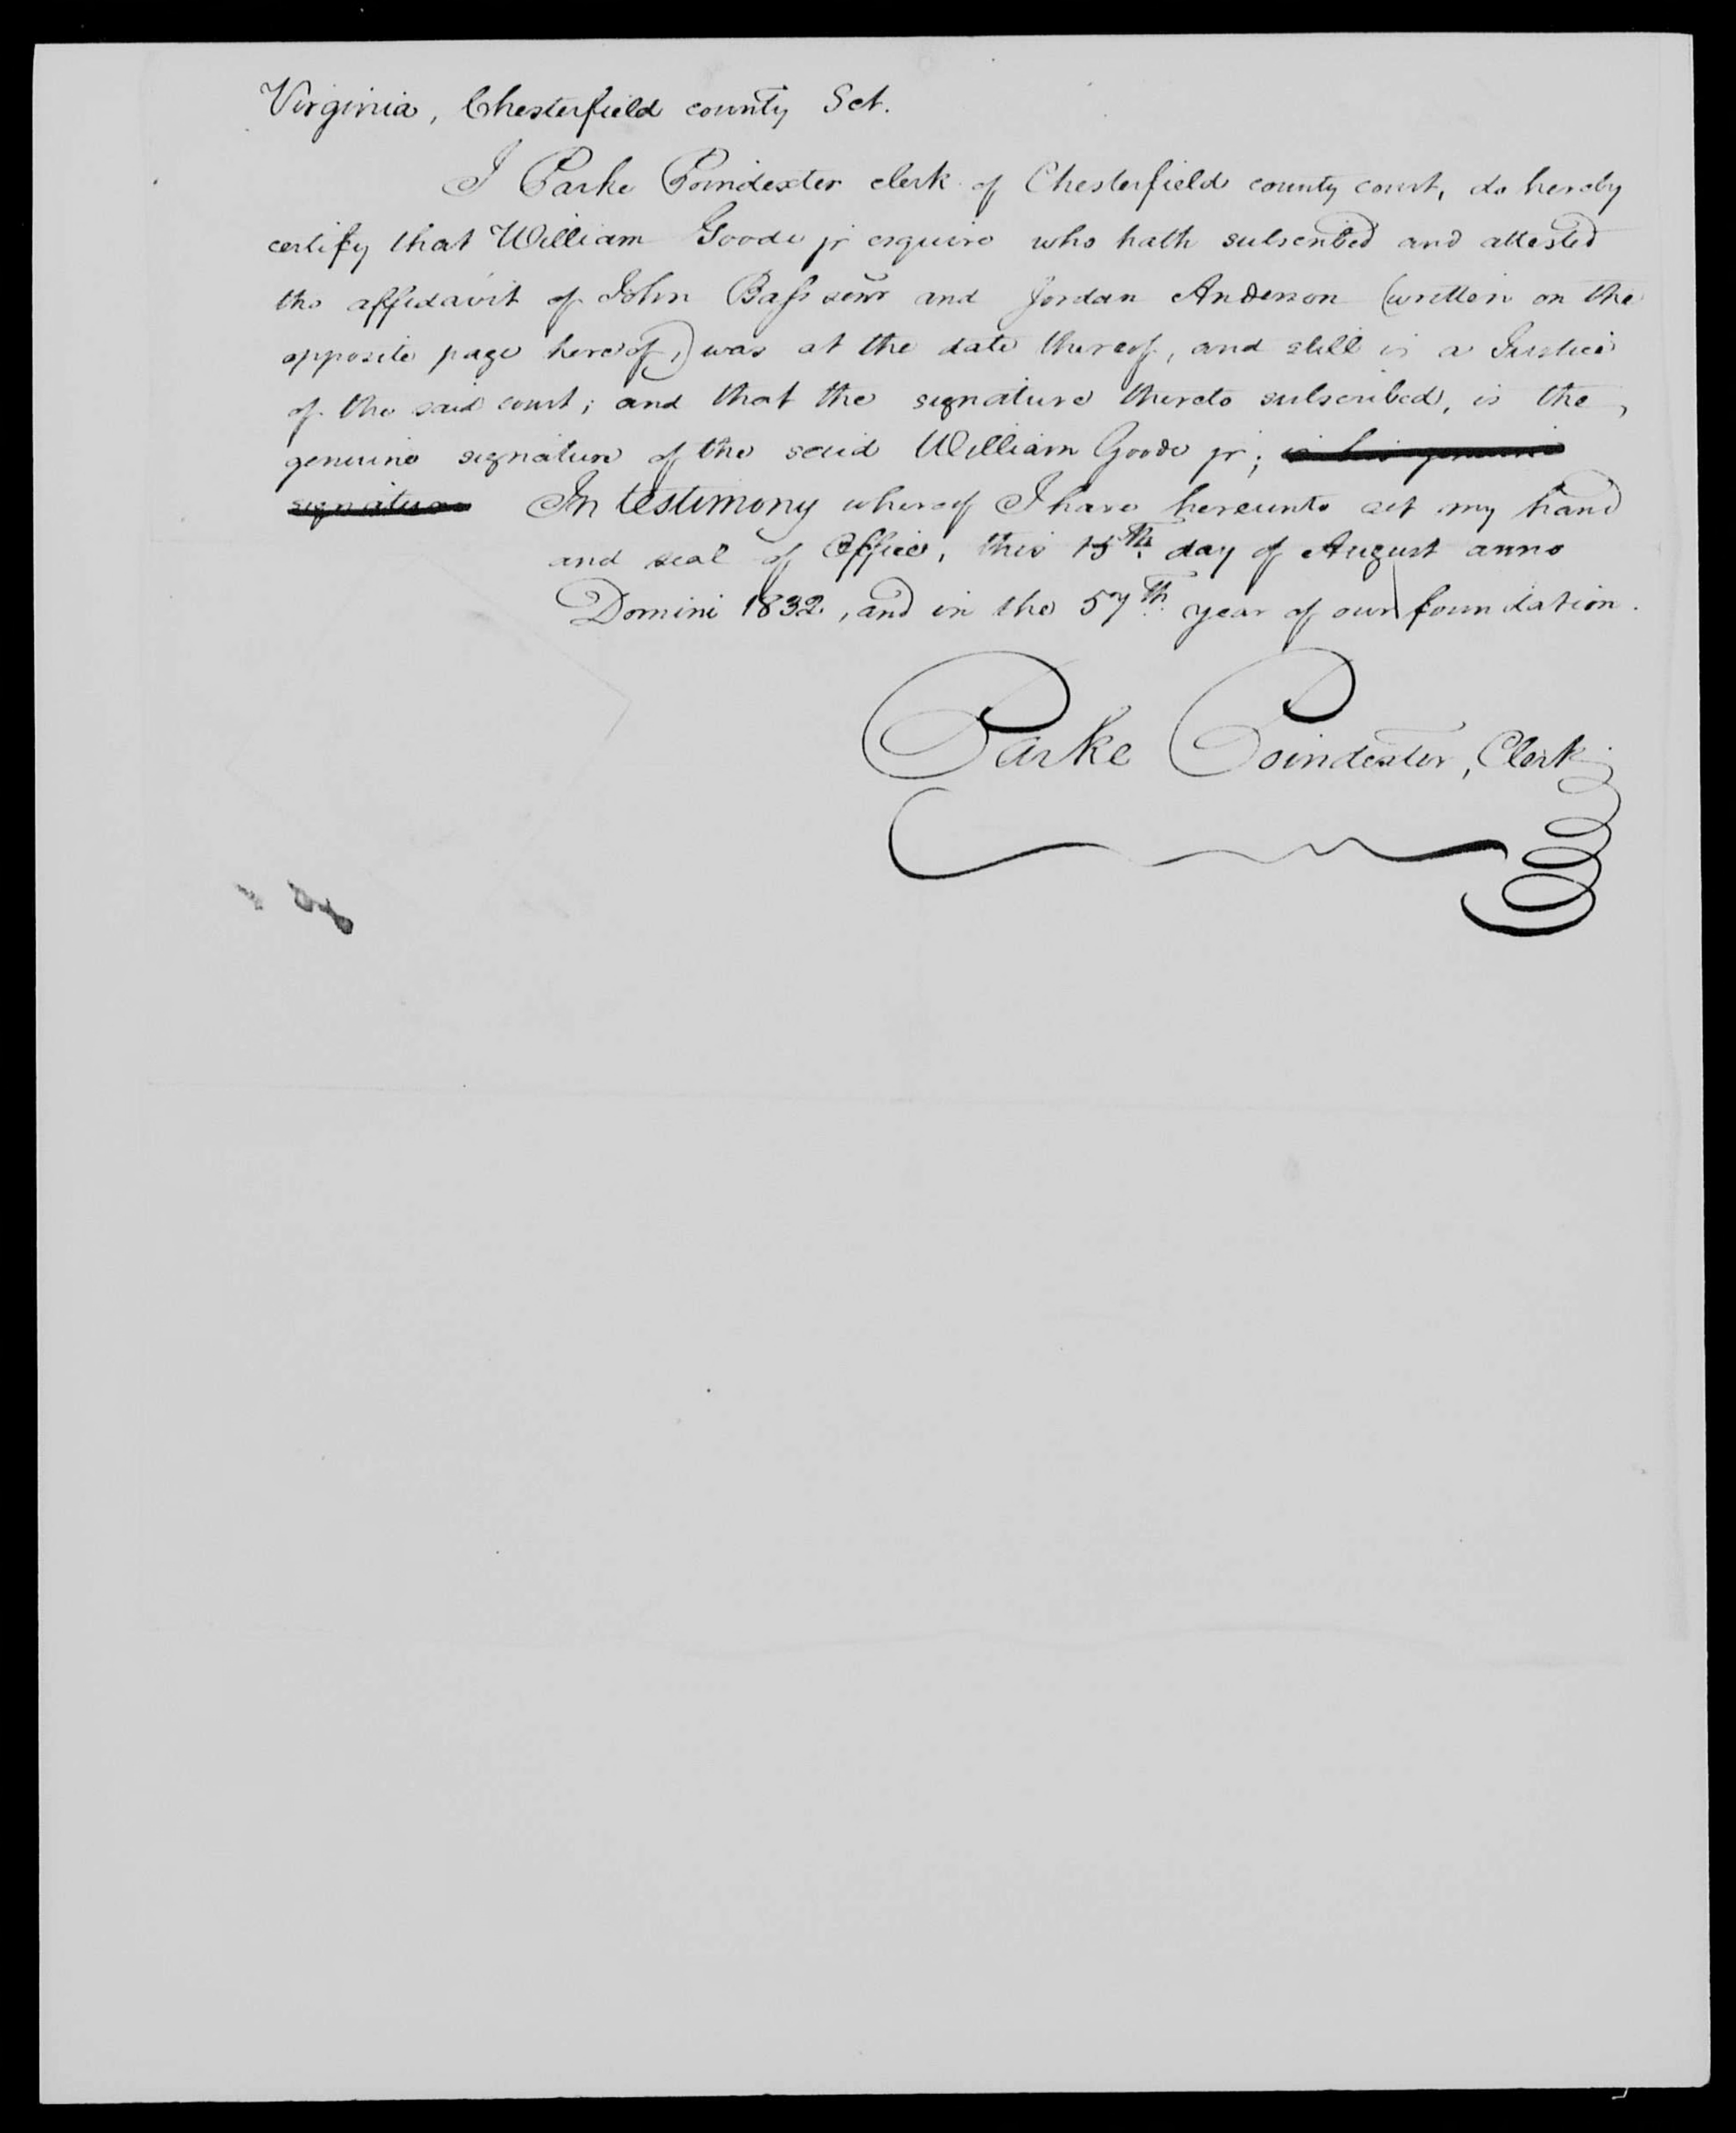Virginia, Chesterfield county Sct.
I Parke Poindexter clerk of Chesterfield county court, do hereby certify that William Goode jr esquire who hath subscribed and attested the affidavit of John Bass senr and Jordan Anderson (written on the opposite page hereof,) was at the date thereof, and still is a Justice of the said court; and that the signature thereto subscribed, is the genuine signature of the said William Goode jr;
In testimony whereof I have hereunto set my hand and seal of Office, this 15th day of August anno Domini 1832, and in the 57th year of our foundation.
Parke Poindexter, Clerk.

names: Jordan Anderson, Parke Poindexter, William Goode, John Bass, Parke Poindexter, William Goode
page: 24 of 43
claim: widow's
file: W. 5,626, Nathan Anderson, Va.